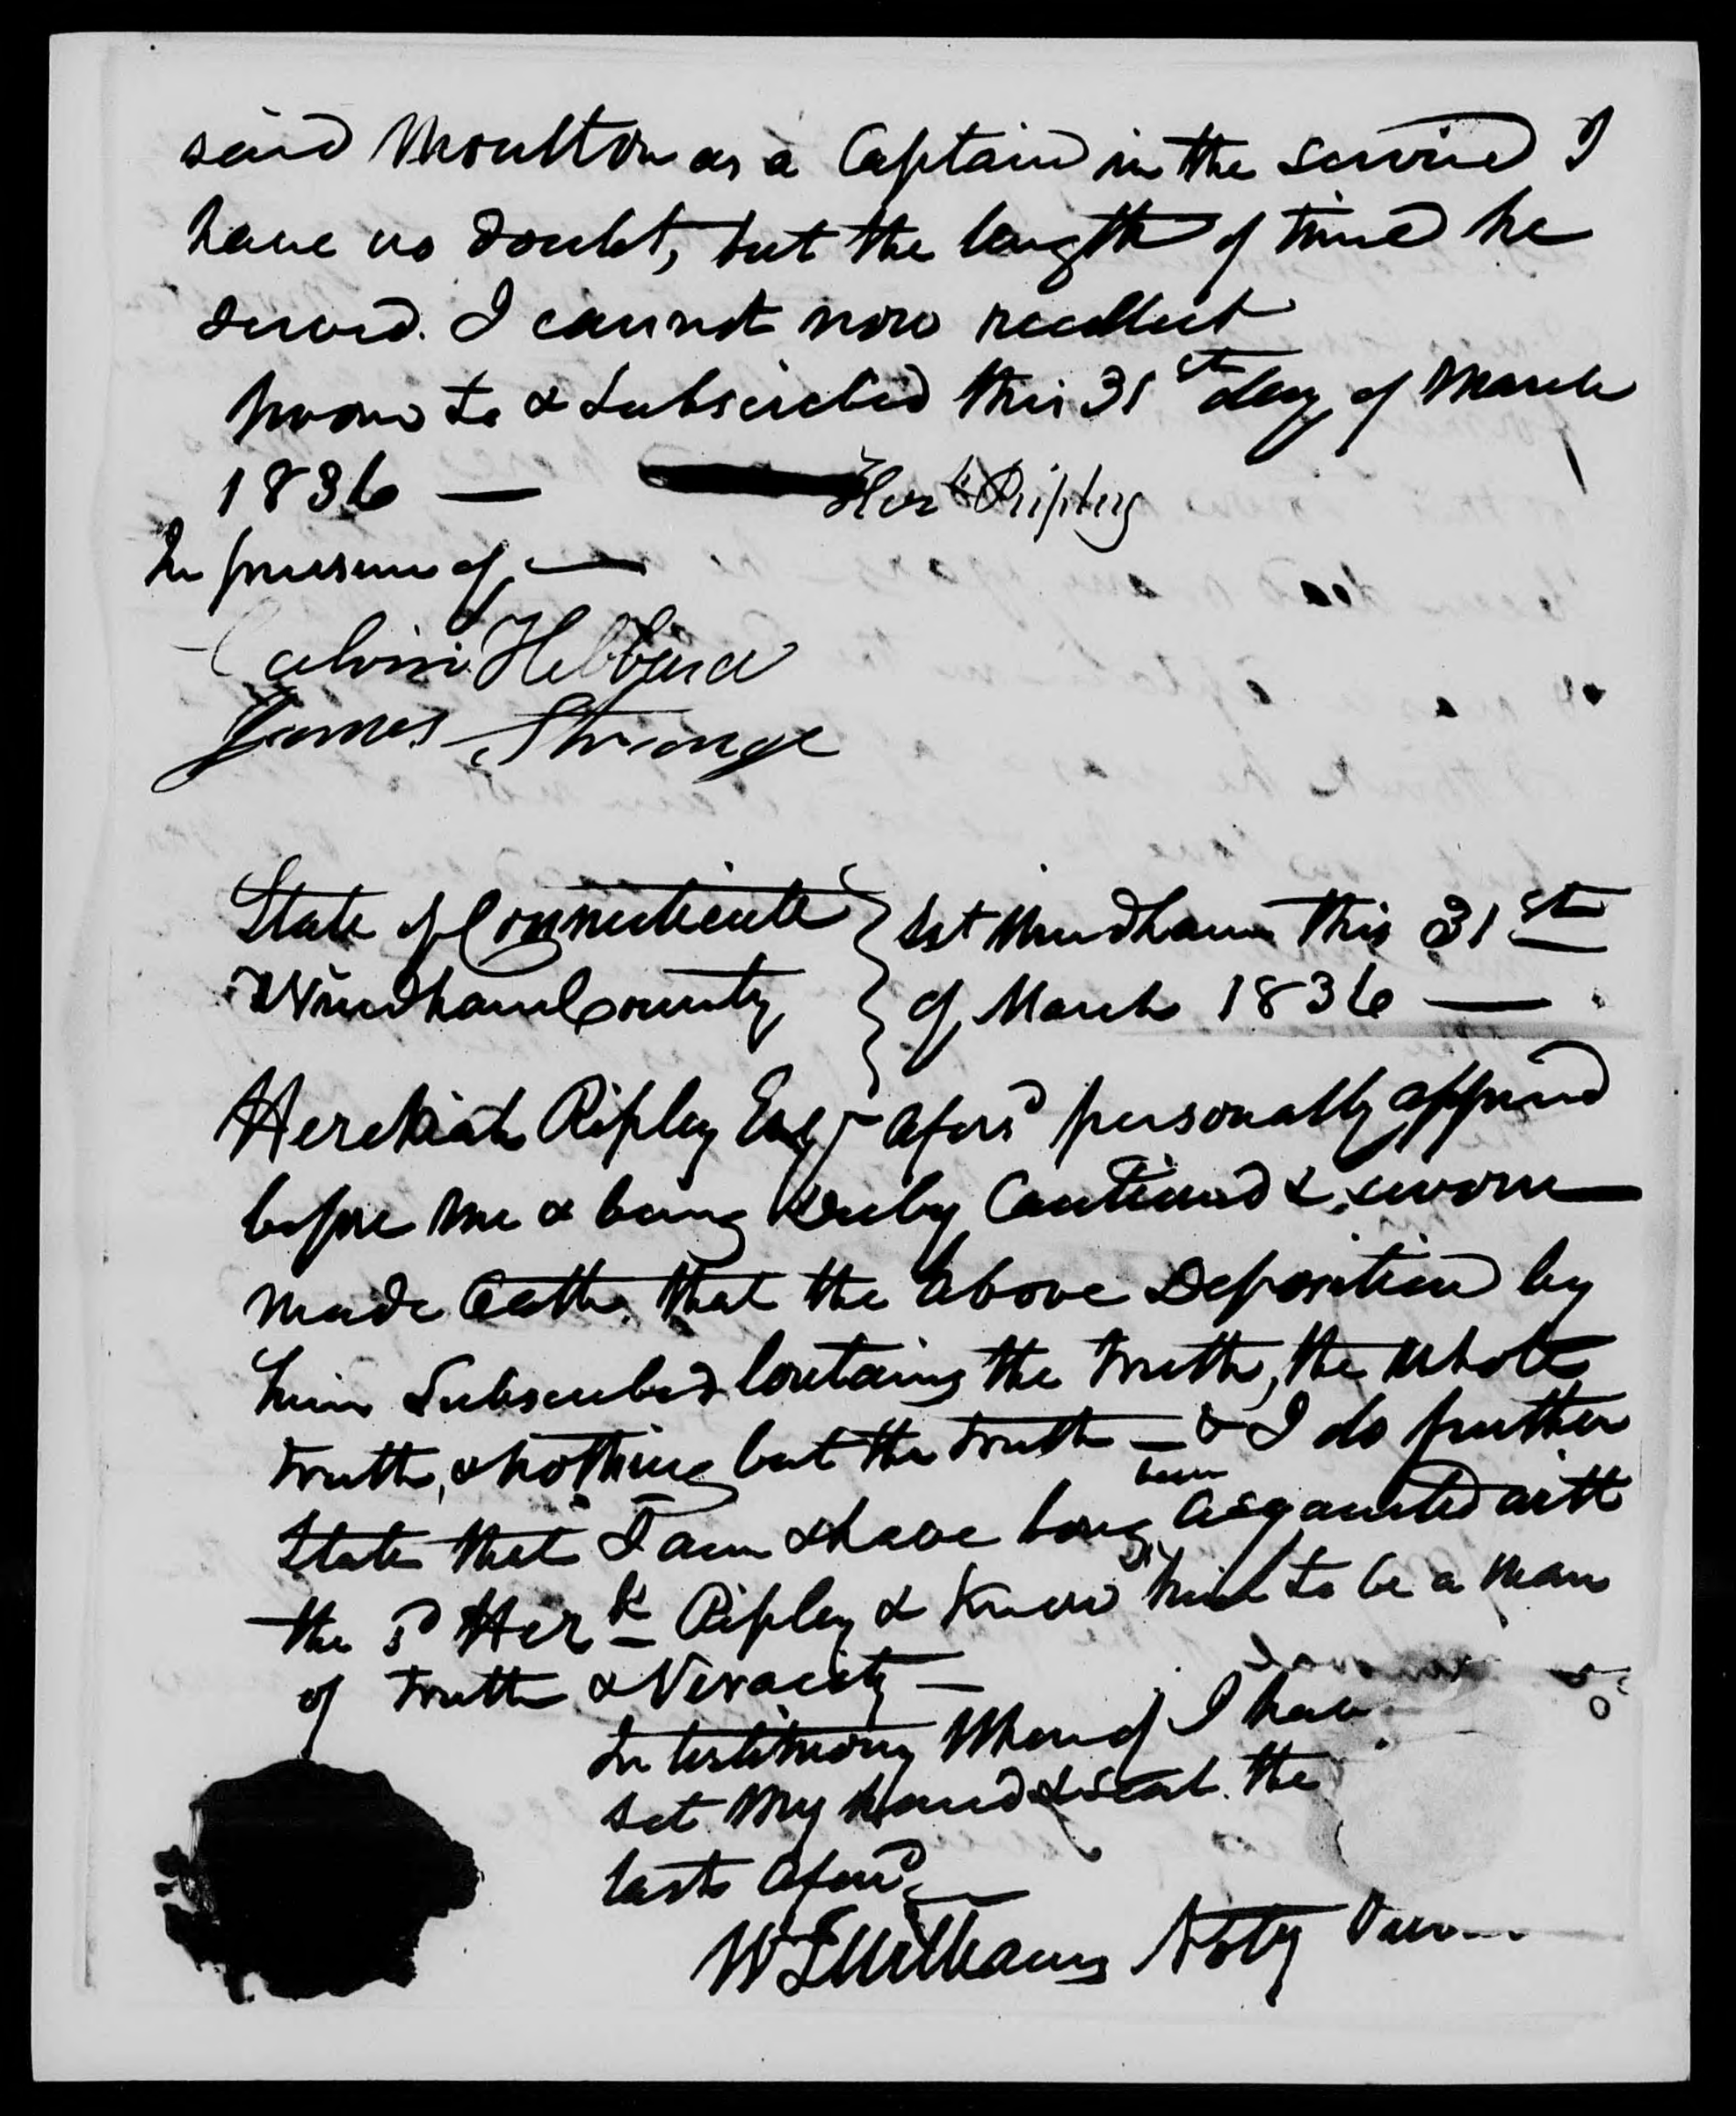said Moulton as a Captain in the service. I have no doubt, but the length of time he served. I cannot now recollect. 

Sworn to & subscribed this 31st day of March 1836.
Hezekiah Ripley

In presence of
Calvin Hibbence
James Strong

State of Connecticut
[?] County
1st Windham this 31st of March 1836.

Hezekiah Ripley Esq aforesaid personally appeared before me & being duly cautious & sworn made oath that the above deposition by him subscribed contains the truth, the whole truth, nothing but the truth & I do further state that I am & have long been acquainted with the said Hezekiah Ripley & know him to be a man of truth & veracity.

In testimony whereof I have set my hand & seal the [date] last aforesaid
[signed, illegible]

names: Hezekiah Ripley, Hezk Ripley, James Stronge, Hezk Ripley, Calvin Hebbard, Moulton, Wm T Williams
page: 44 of 50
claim: survivor's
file: S 10607, Jabez Edwards, Conn.